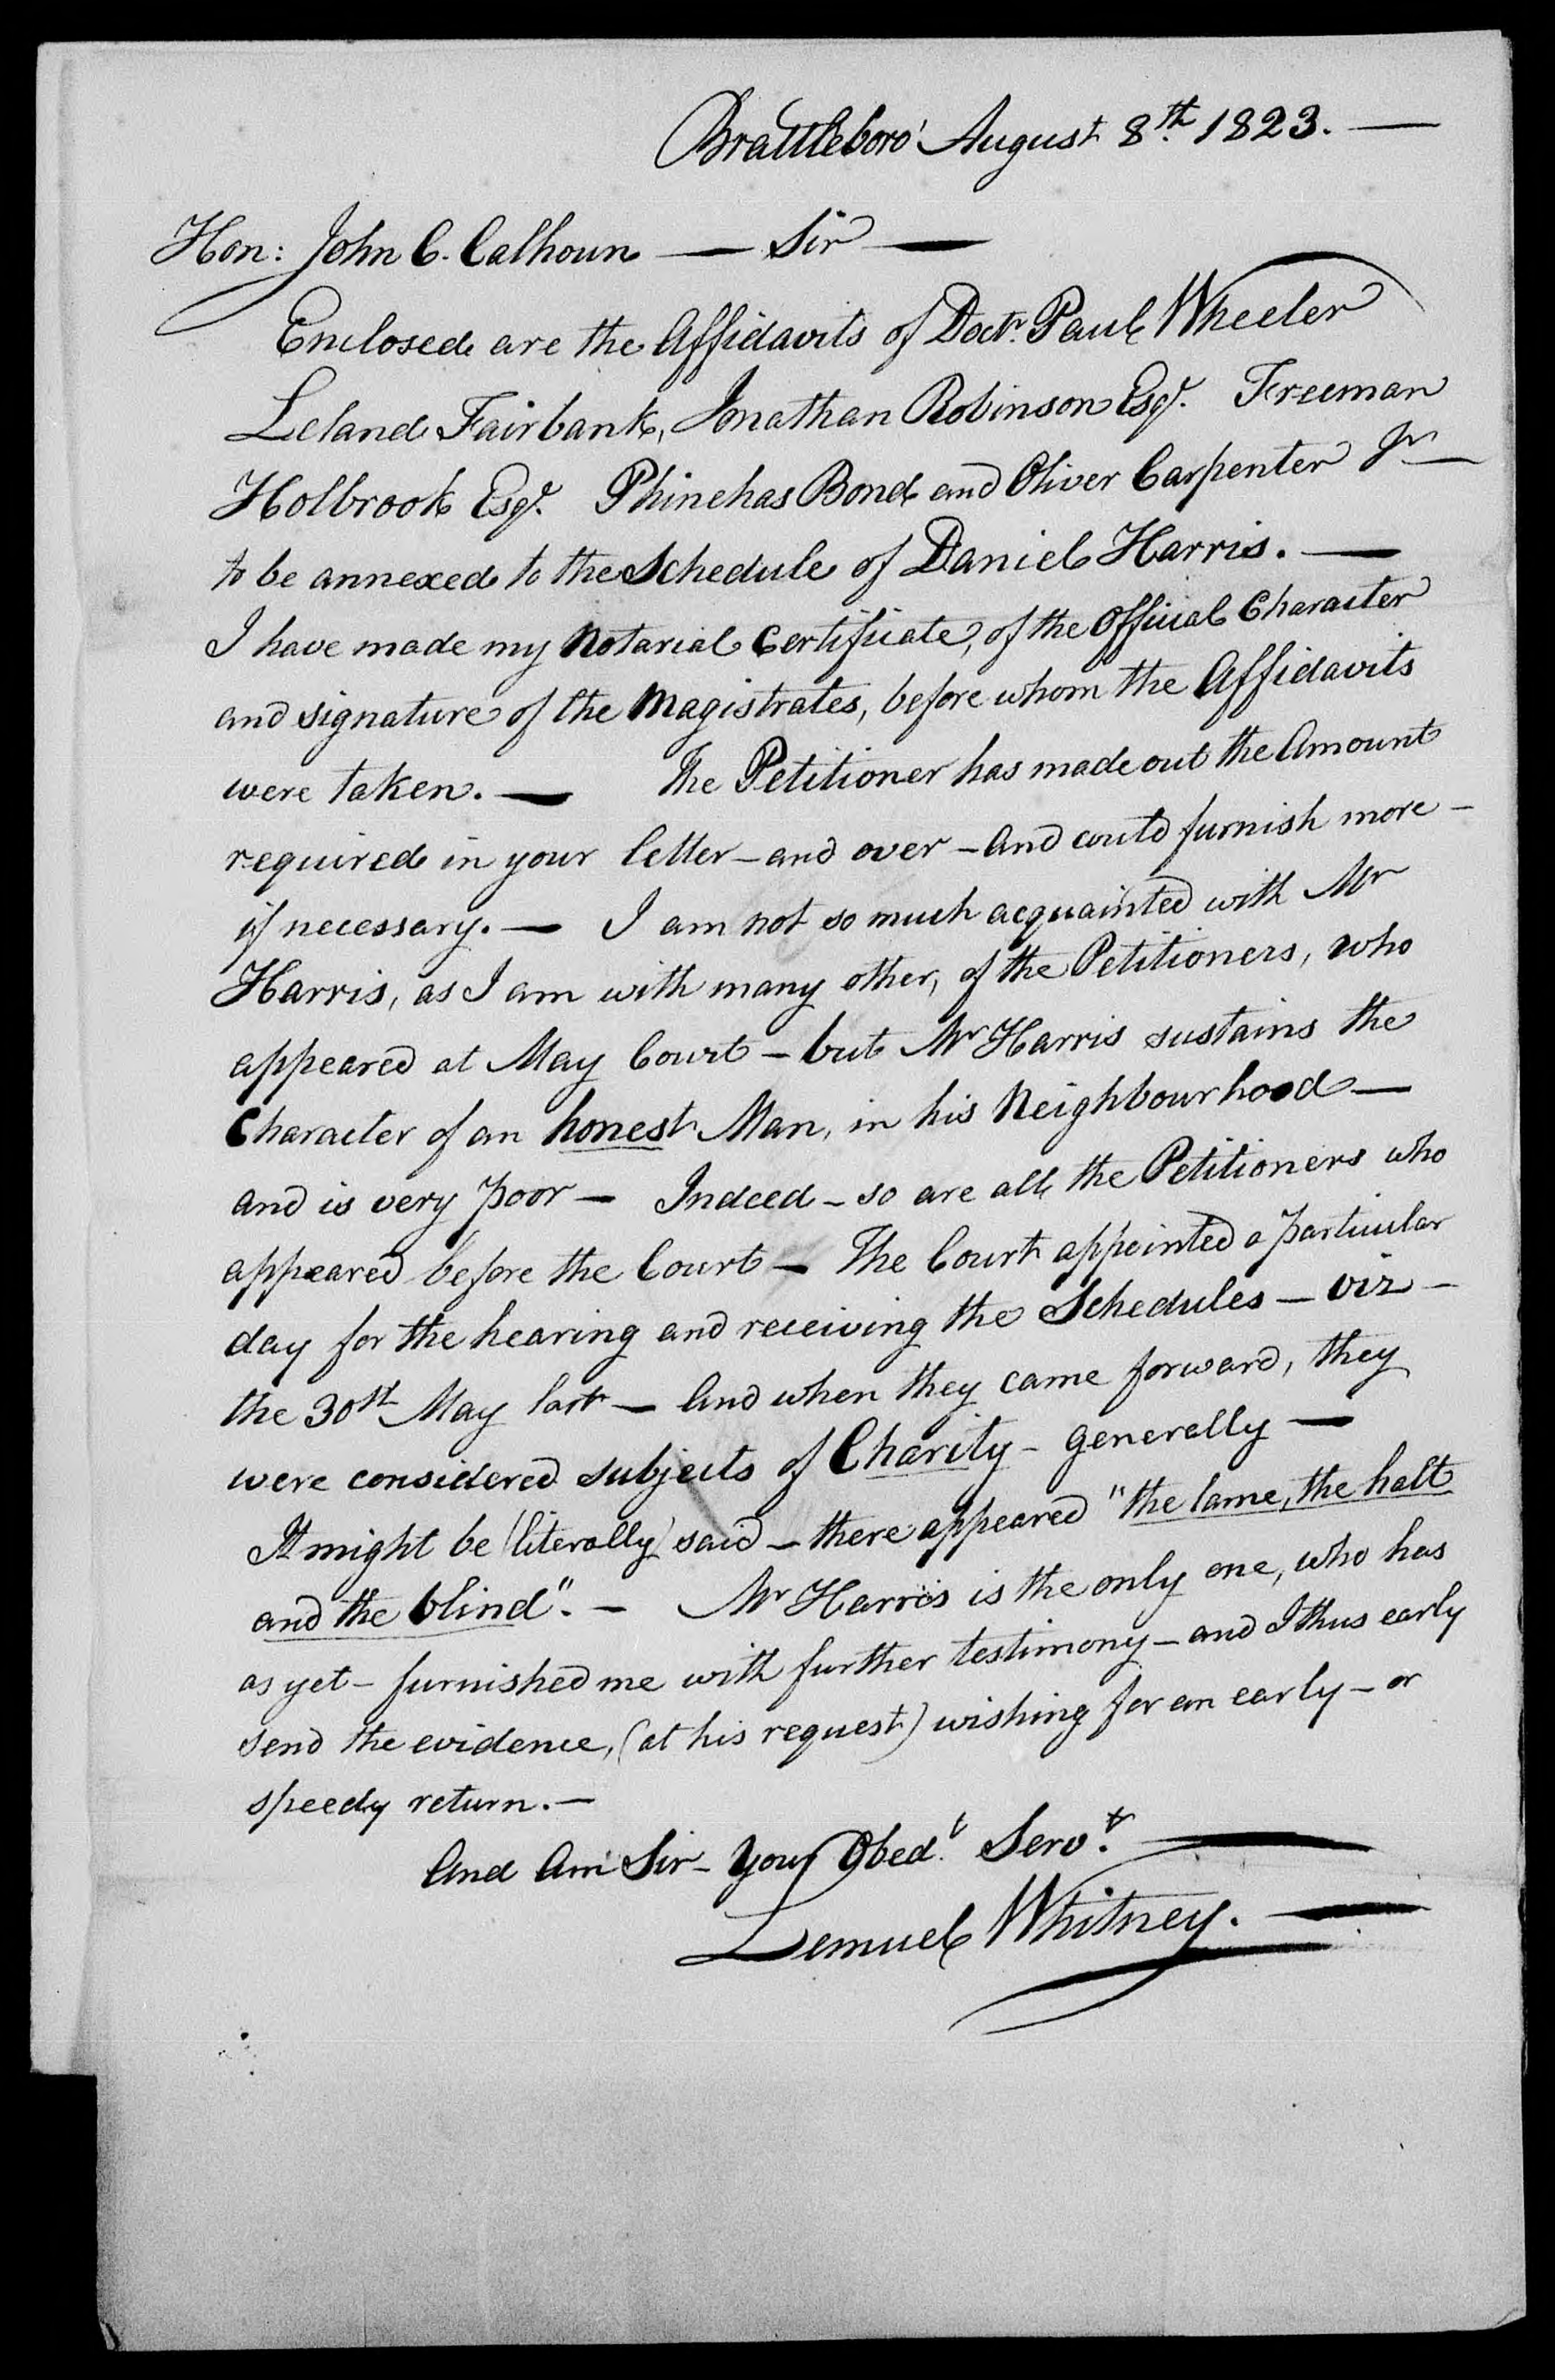Battleboro August 8th 1823 -

Hon: John C. Calhoun - Sir -
Enclosed are the affidavits of Doctor Paul Wheeler, Leland Fairbank, Jonathan Robinson Esq. Freeman Holbrook Esq. Phinehas Boned and Oliver Carpenter to be annexed to the Schedule of Daniel Harris.-- I have made my notarial certificat, of the official character and signature of the magistrates, before whom the affidavits were taken. -- The Petitioner has made out the amounts required in your letter and over and could furnish more4 if necessary. - I am not so much acquainted with Mr. Harris as I am with many other, of the Petitioners who appears at May Court - but Mr. Harris sustains the character of an honest Man in his neighborhood and is very poor -- Indeed -- so are all the petitioners who appeared before the Court - The court appointed a particular day for the hearing and receiving the Schedules - viz- the 30th May last - and when they came forward, they were considered subjects of Charity - generally - I might be Literally said - there appeared "the lame he halt and the blind" - Mr Harris is the only one who has as yet - furnished me with futher testimony - and I thus early sed the evidence (at his request) wishing for an early - or speedy return. -

And Am Sir - your obed. Serv.
Lemuel Whitney.
(signature3)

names: Oliver Carpenter, Phinehas Bond, John C Calhoun, Freeman Holbrook, Harris, Jonathan Robinson, Leland Fairbank, Lemuel Whitney, Harris, Paul Wheeler, Daniel Harris, Harris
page: 67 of 68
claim: survivor's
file: S. 29,877, Daniel Harris, Mass.